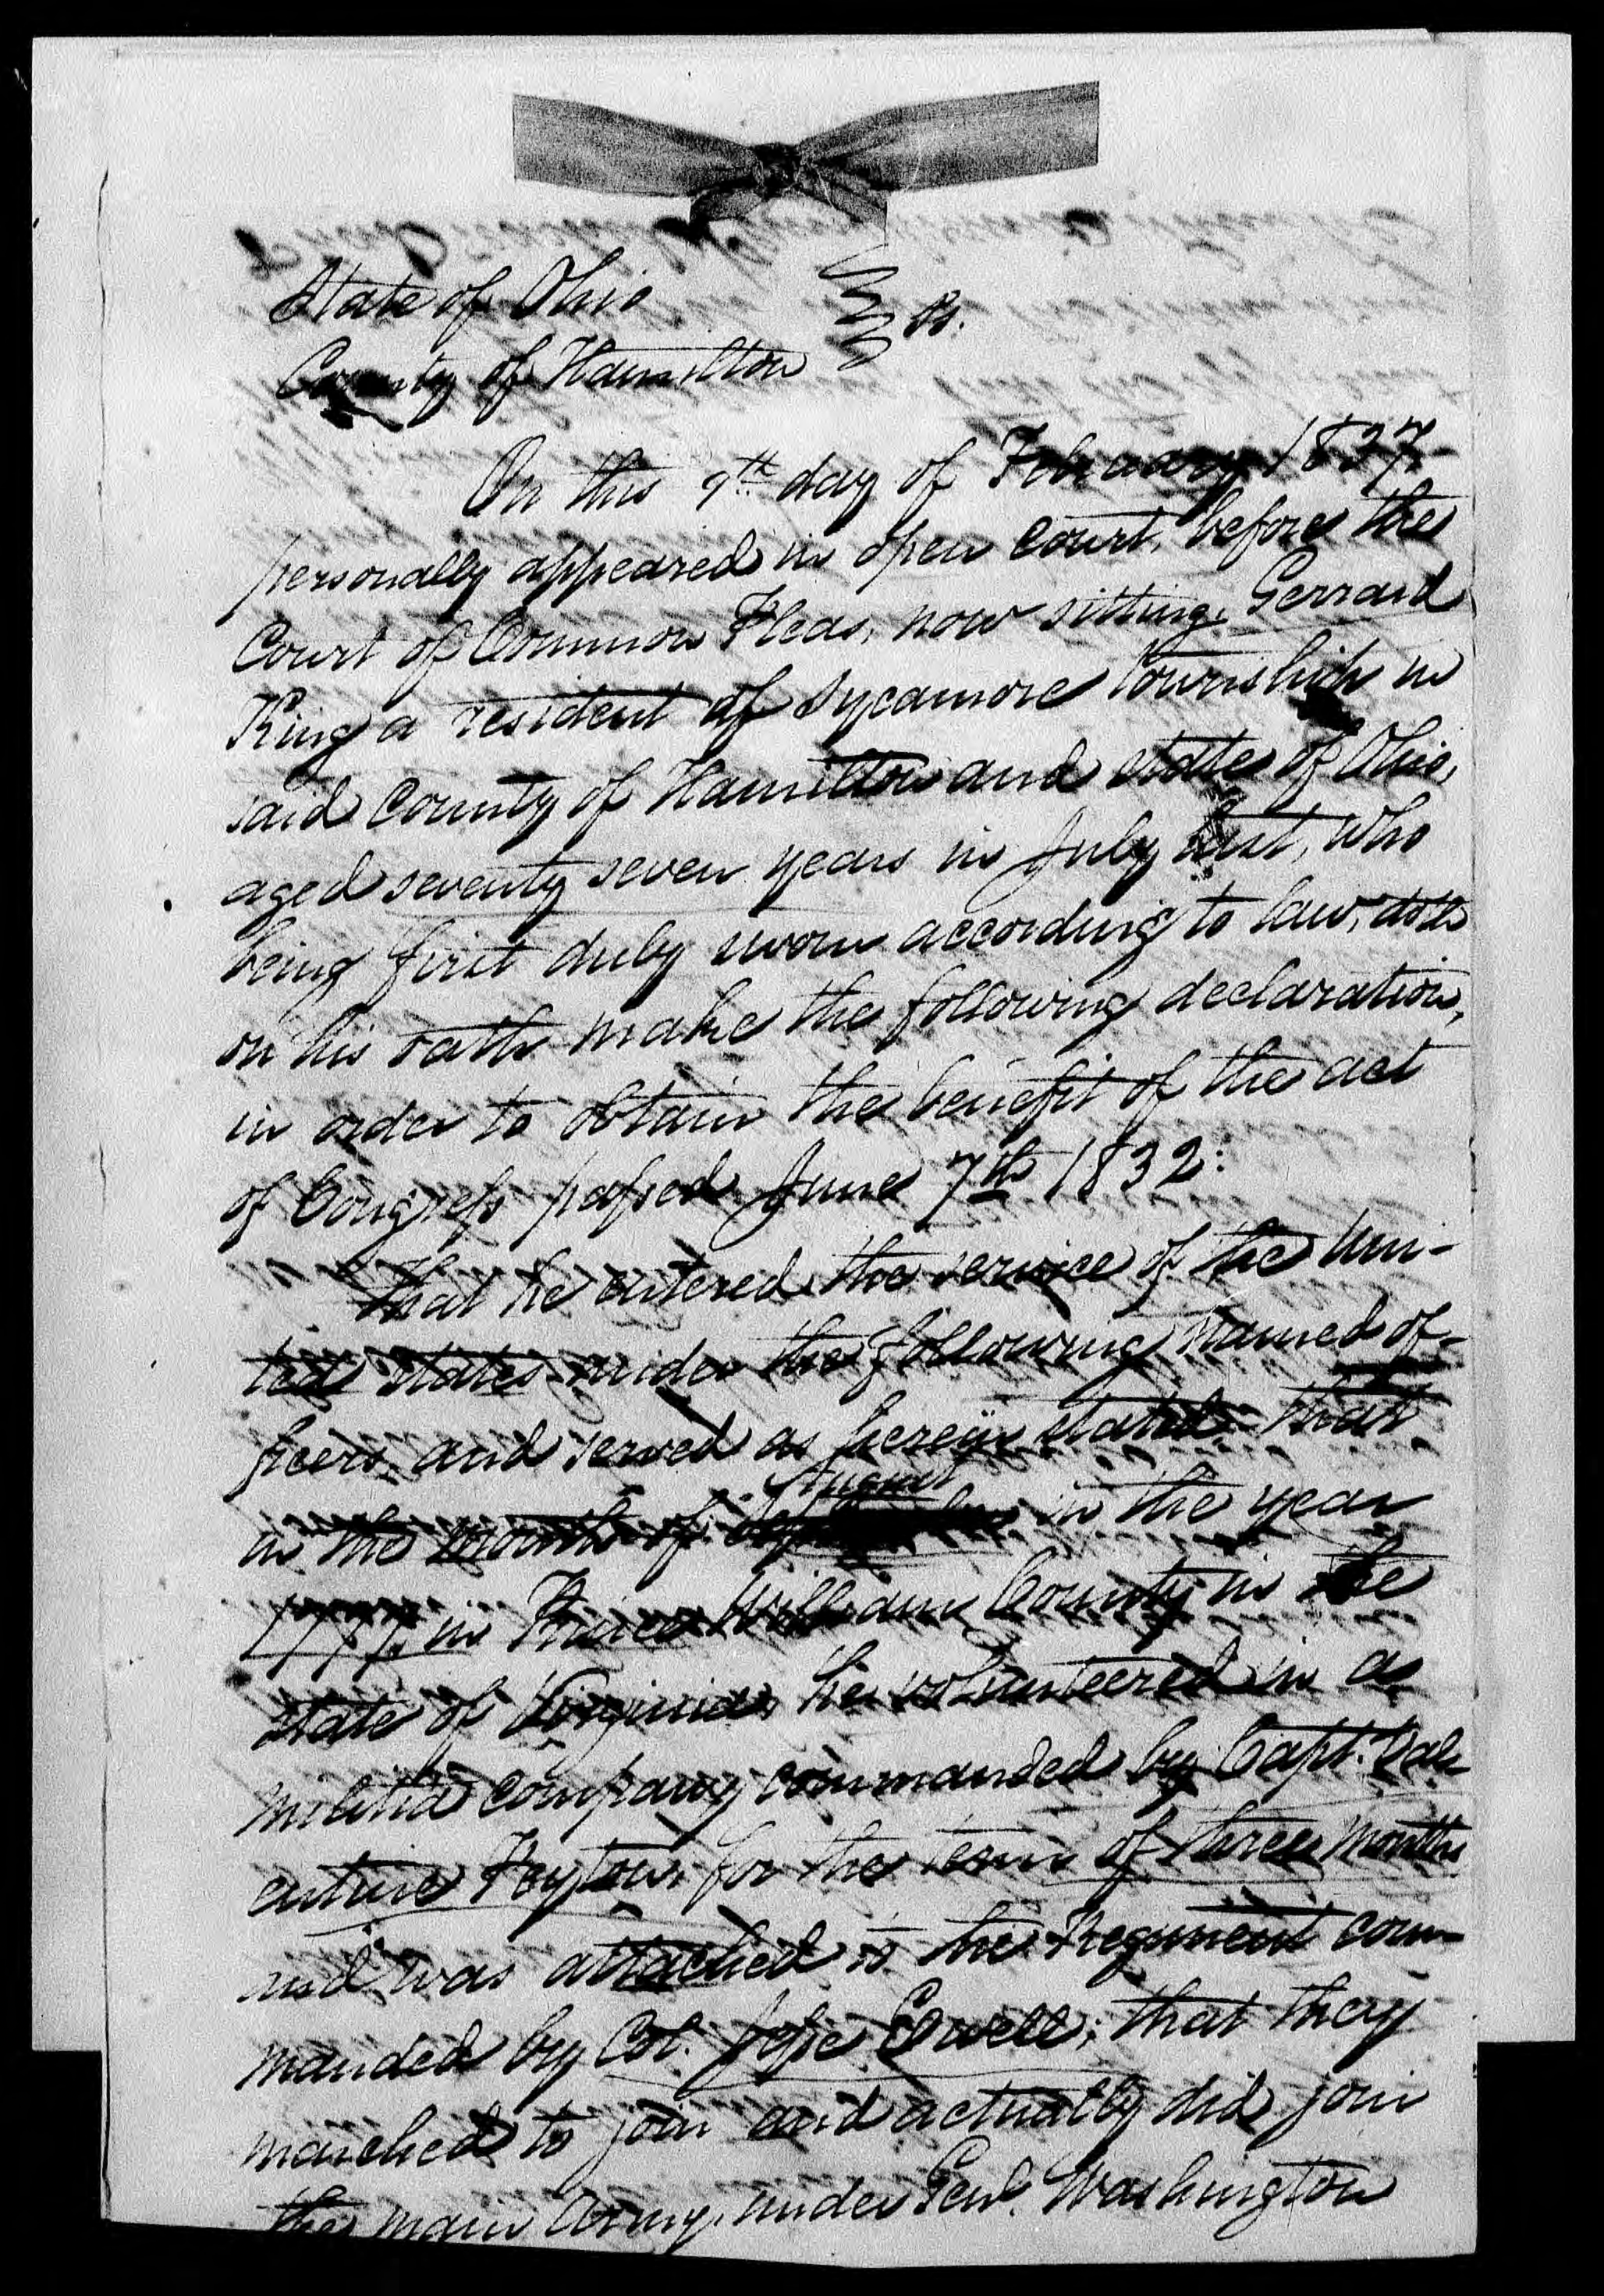[Declaration page 1]

State of Ohio
County of Hamilton   Ss.

On this 9th day of February 1837 personally appeared in open Court before the Court of Common Pleas now sitting Gerrard King a resident of Sycamore Township in said County of Hamilton and state of Ohio, aged seventy seven years in July last, who being first duly sworn according to law, doth on his oath make the following declaration, in order to obtain the benefit of the act of congress passed June 7th 1832:

That he entered the service of the United States under the following named officers and served as herein stated that in the month of August in the year 1777 in Prince William County in the state of Virginia he volunteered  in a militia company commanded by Capt. Valentine Peyton for the term of three months  and was attached to the regiment commanded by Col. Jesse Ewell;

that they marched to join and actually did join the main army under Genl Washington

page: 32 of 45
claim: widow's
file: W. 7984, for Gerrard King, Virginia